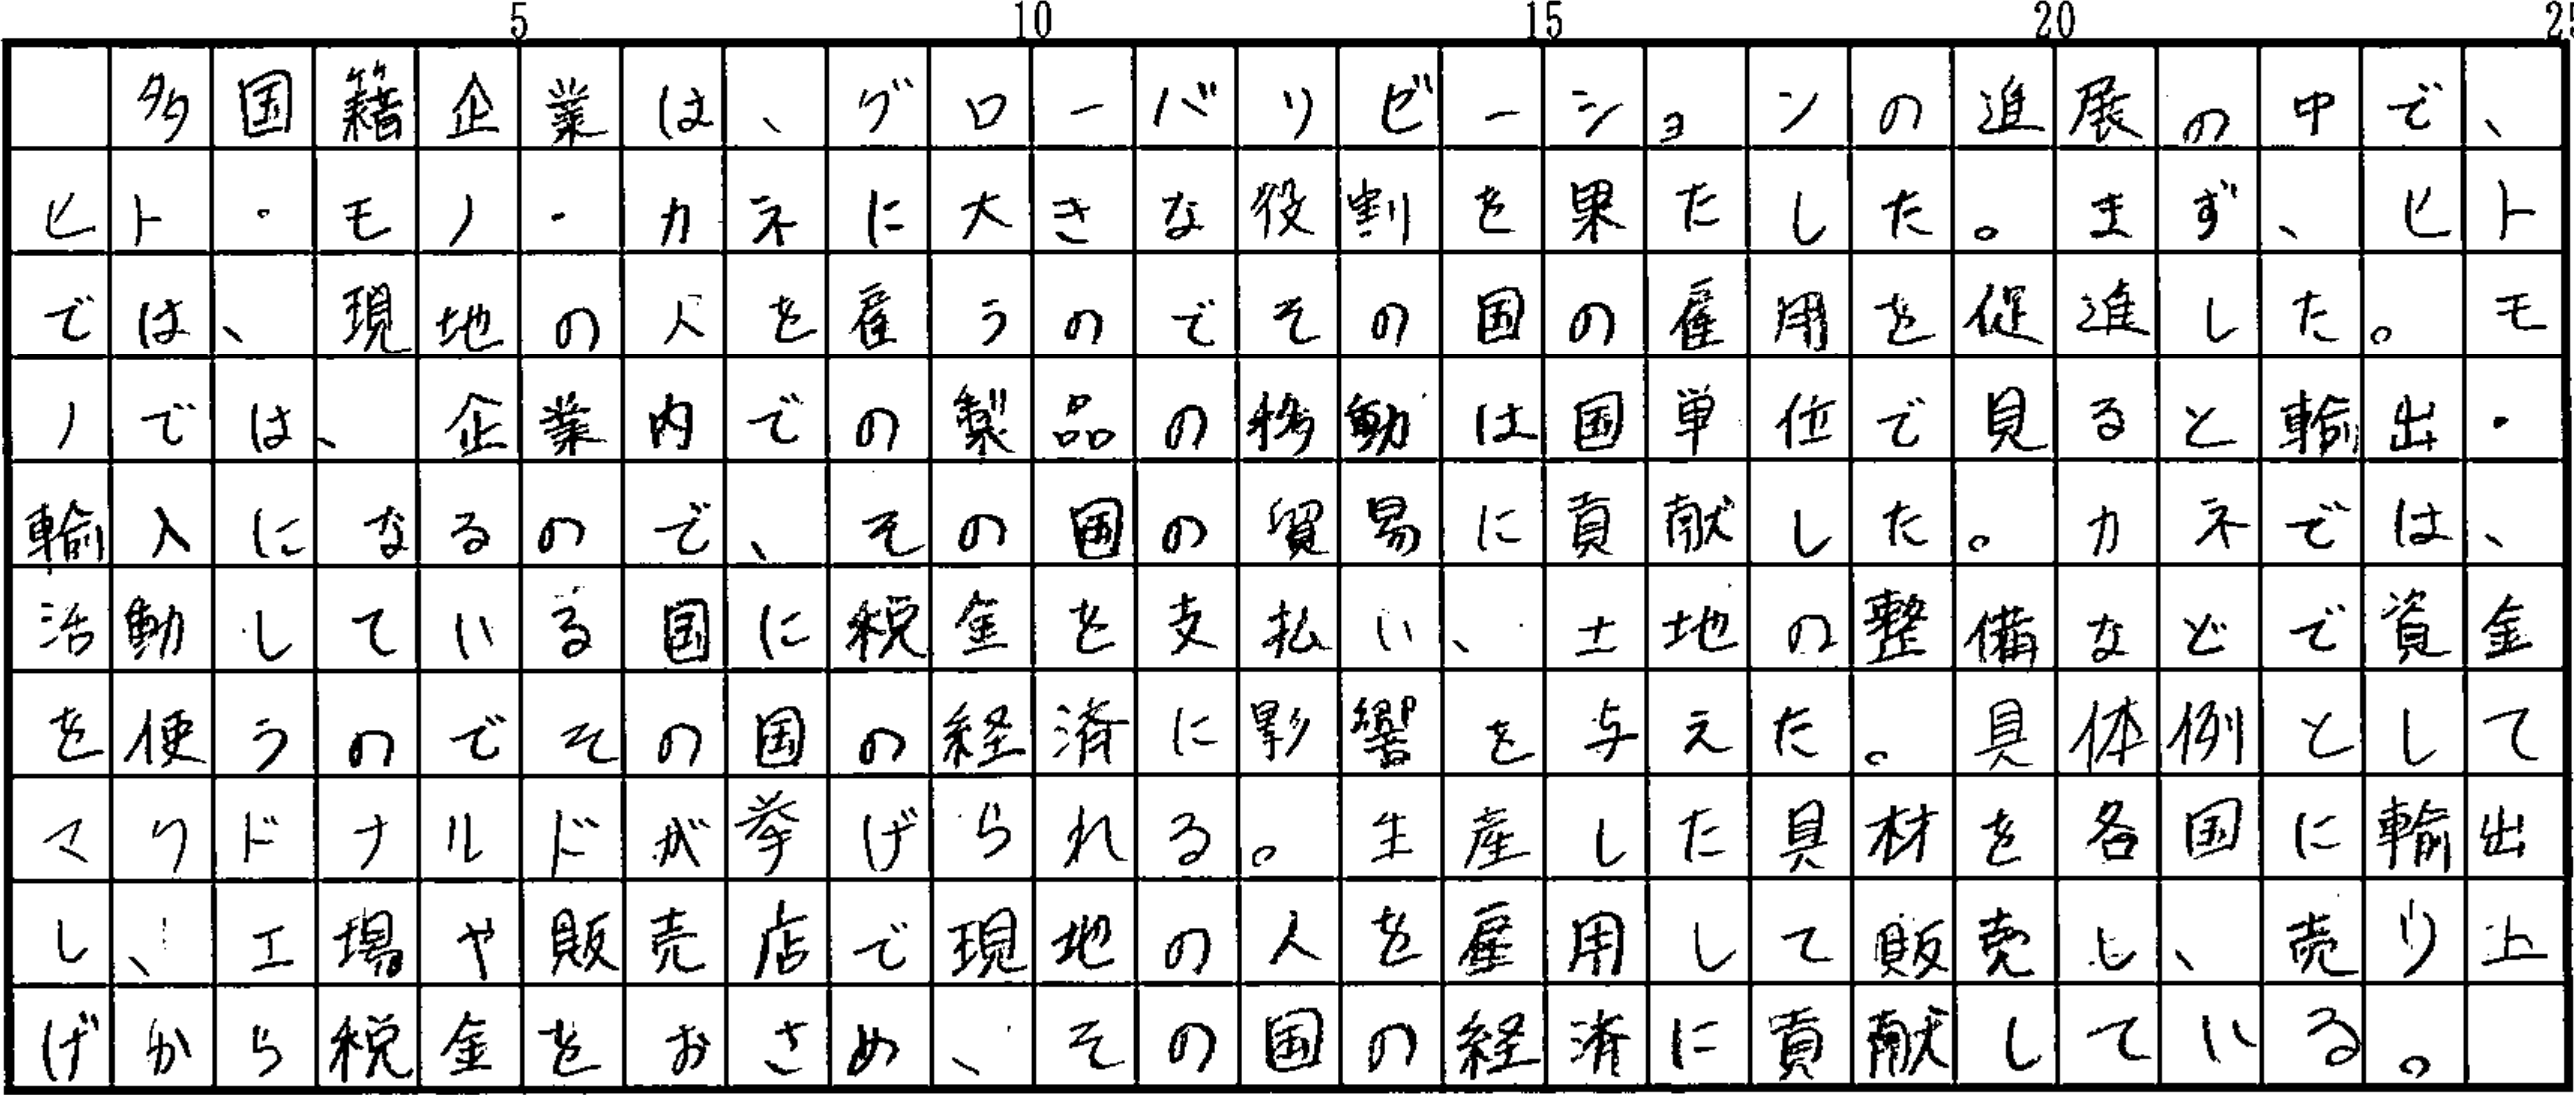　多国籍企業は、グローバリゼーションの進展の中で、ヒト・モノ・カネに大きな役割を果たした。まず、ヒトでは、現地の人を雇うのでその国の雇用を促進した。モノでは、企業内での製品の移動は国単位で見ると輸出・輸入になるので、その国の貿易に貢献した。カネでは、活動している国に税金を支払い、土地の整備などで資金を使うのでその国の経済に影響を与えた。具体例としてマクドナルドが挙げられる。生産した具材を各国に輸出し、工場や販売店で現地の人を雇用して販売し、売り上げから税金をおさめ、その国の経済に貢献している。
